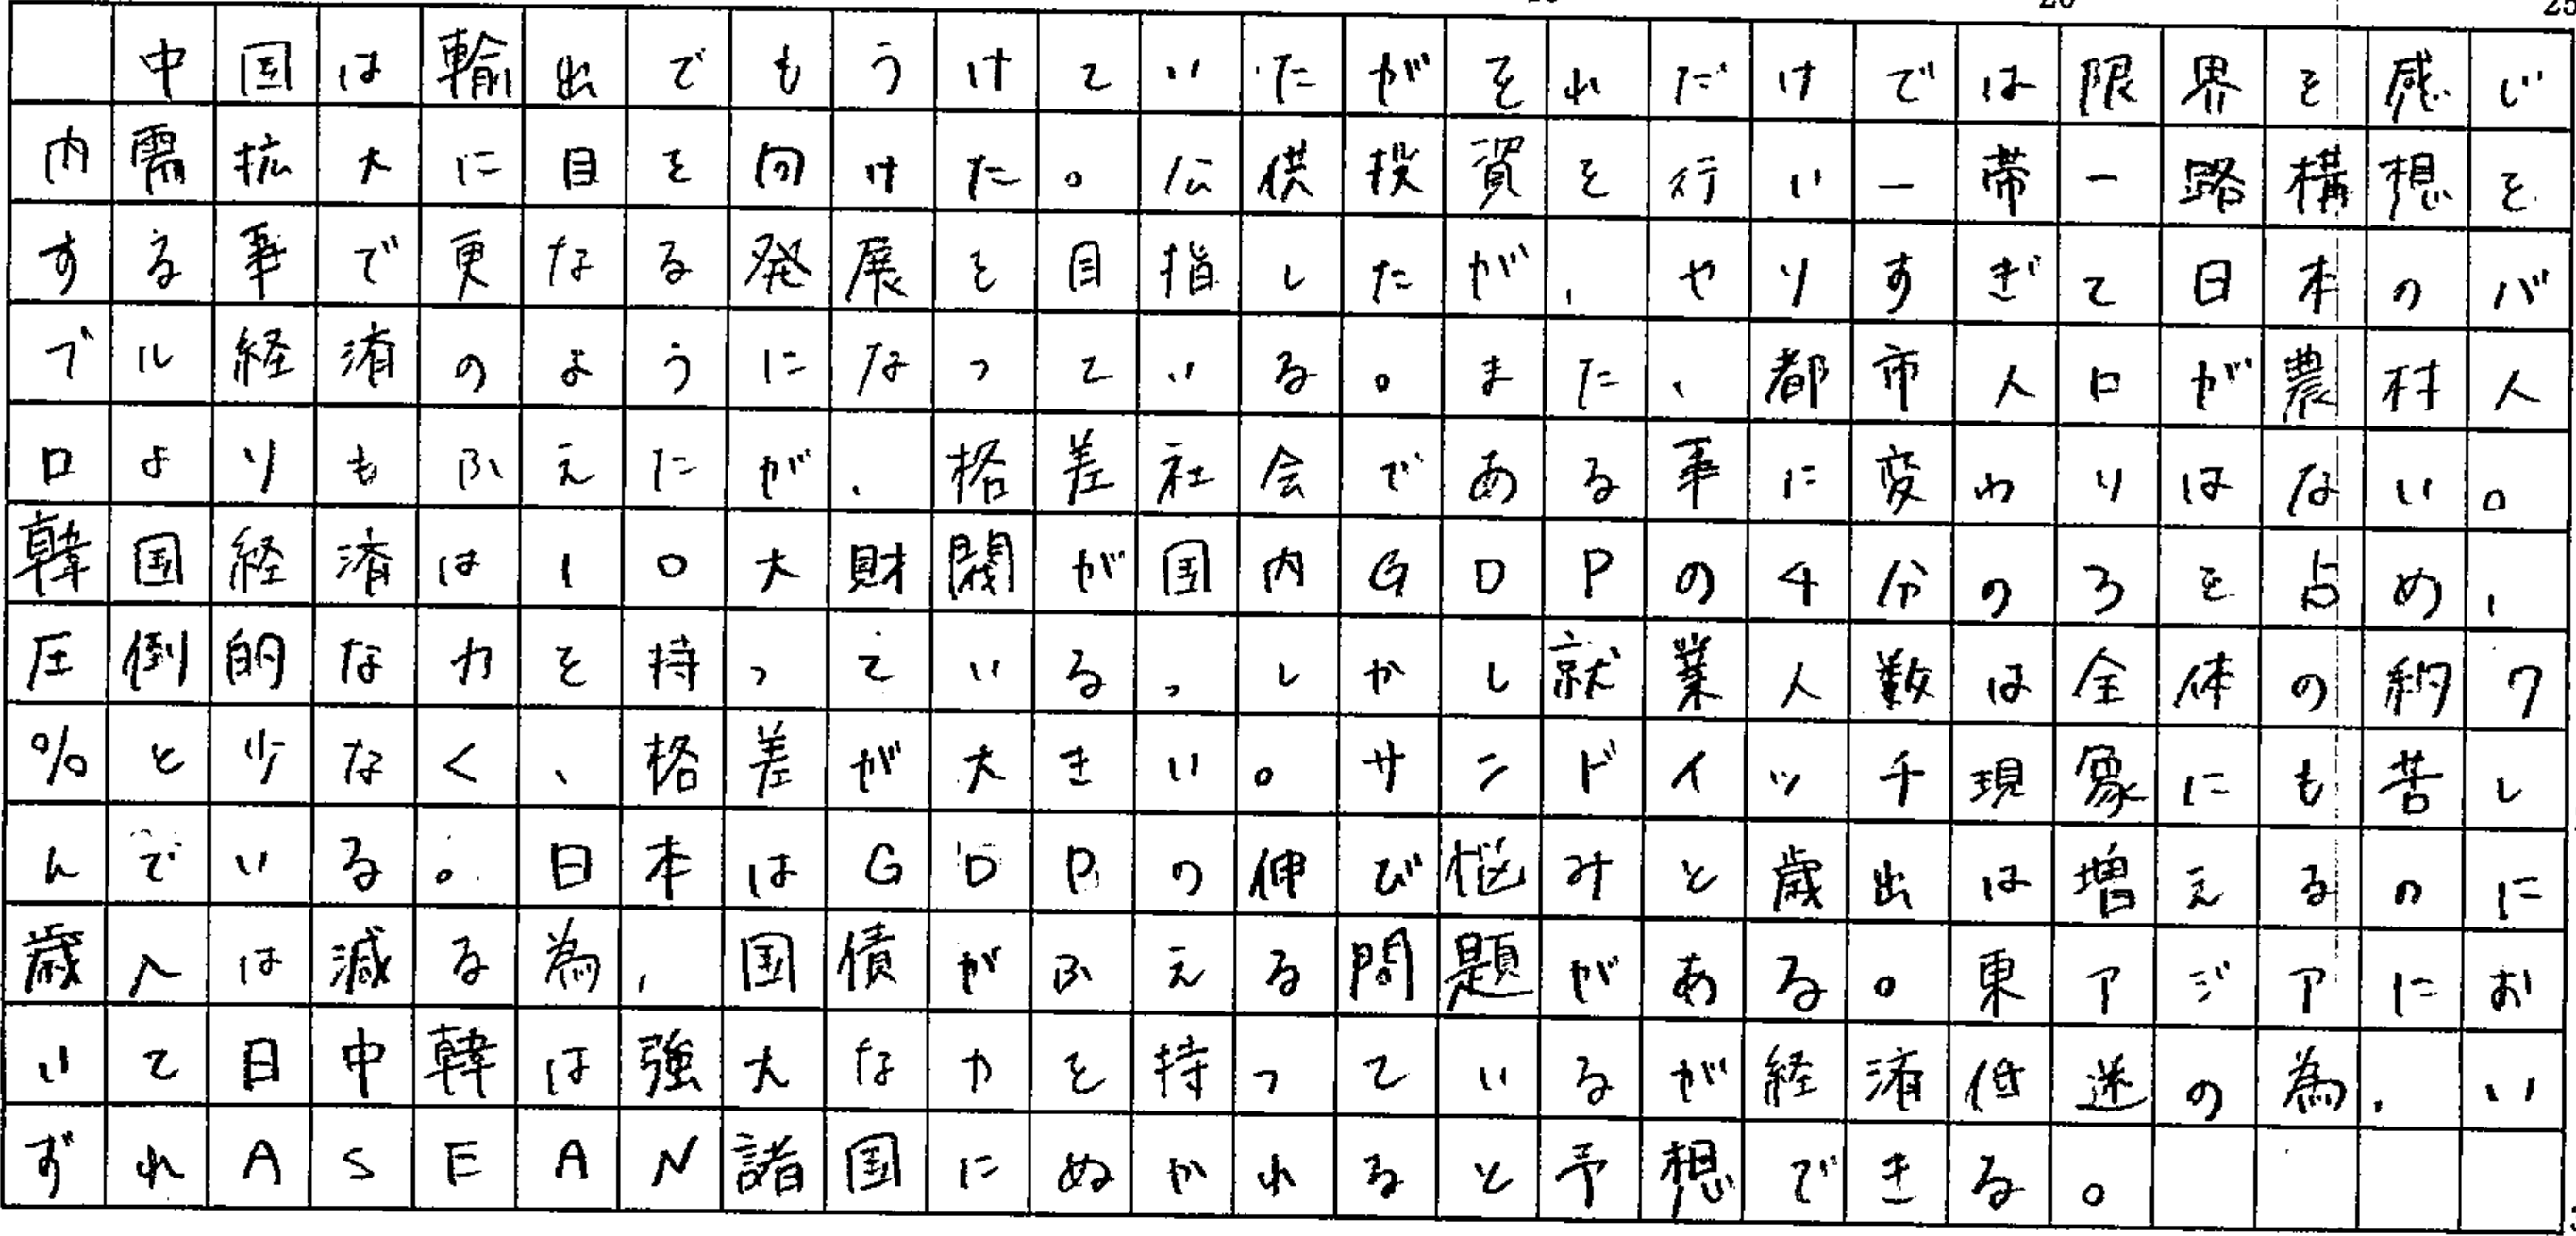　中国は輸出でもうけていたがそれだけでは限界を感じ内需拡大に目を向けた。公供投資を行い一帯一路構想をする事で更なる発展を目指したが、やりすぎて日本のバブル経済のようになっている。また、都市人口が農村人口よりもふえたが、格差社会である事に変わりはない。韓国経済は１０大財閥が国内ＧＤＰの４分の３を占め、圧倒的な力を持っている。しかし就業人数は全体の約７％と少なく、格差が大きい。サンドイッチ現象にも苦しんでいる。日本はＧＤＰの伸び悩みと歳出は増えるのに歳入は減る為，国債がふえる問題がある。東アジアにおいて日中韓は強大な力を持っているが経済低迷の為、いずれＡＳＥＡＮ諸国にぬかれると予想できる。
